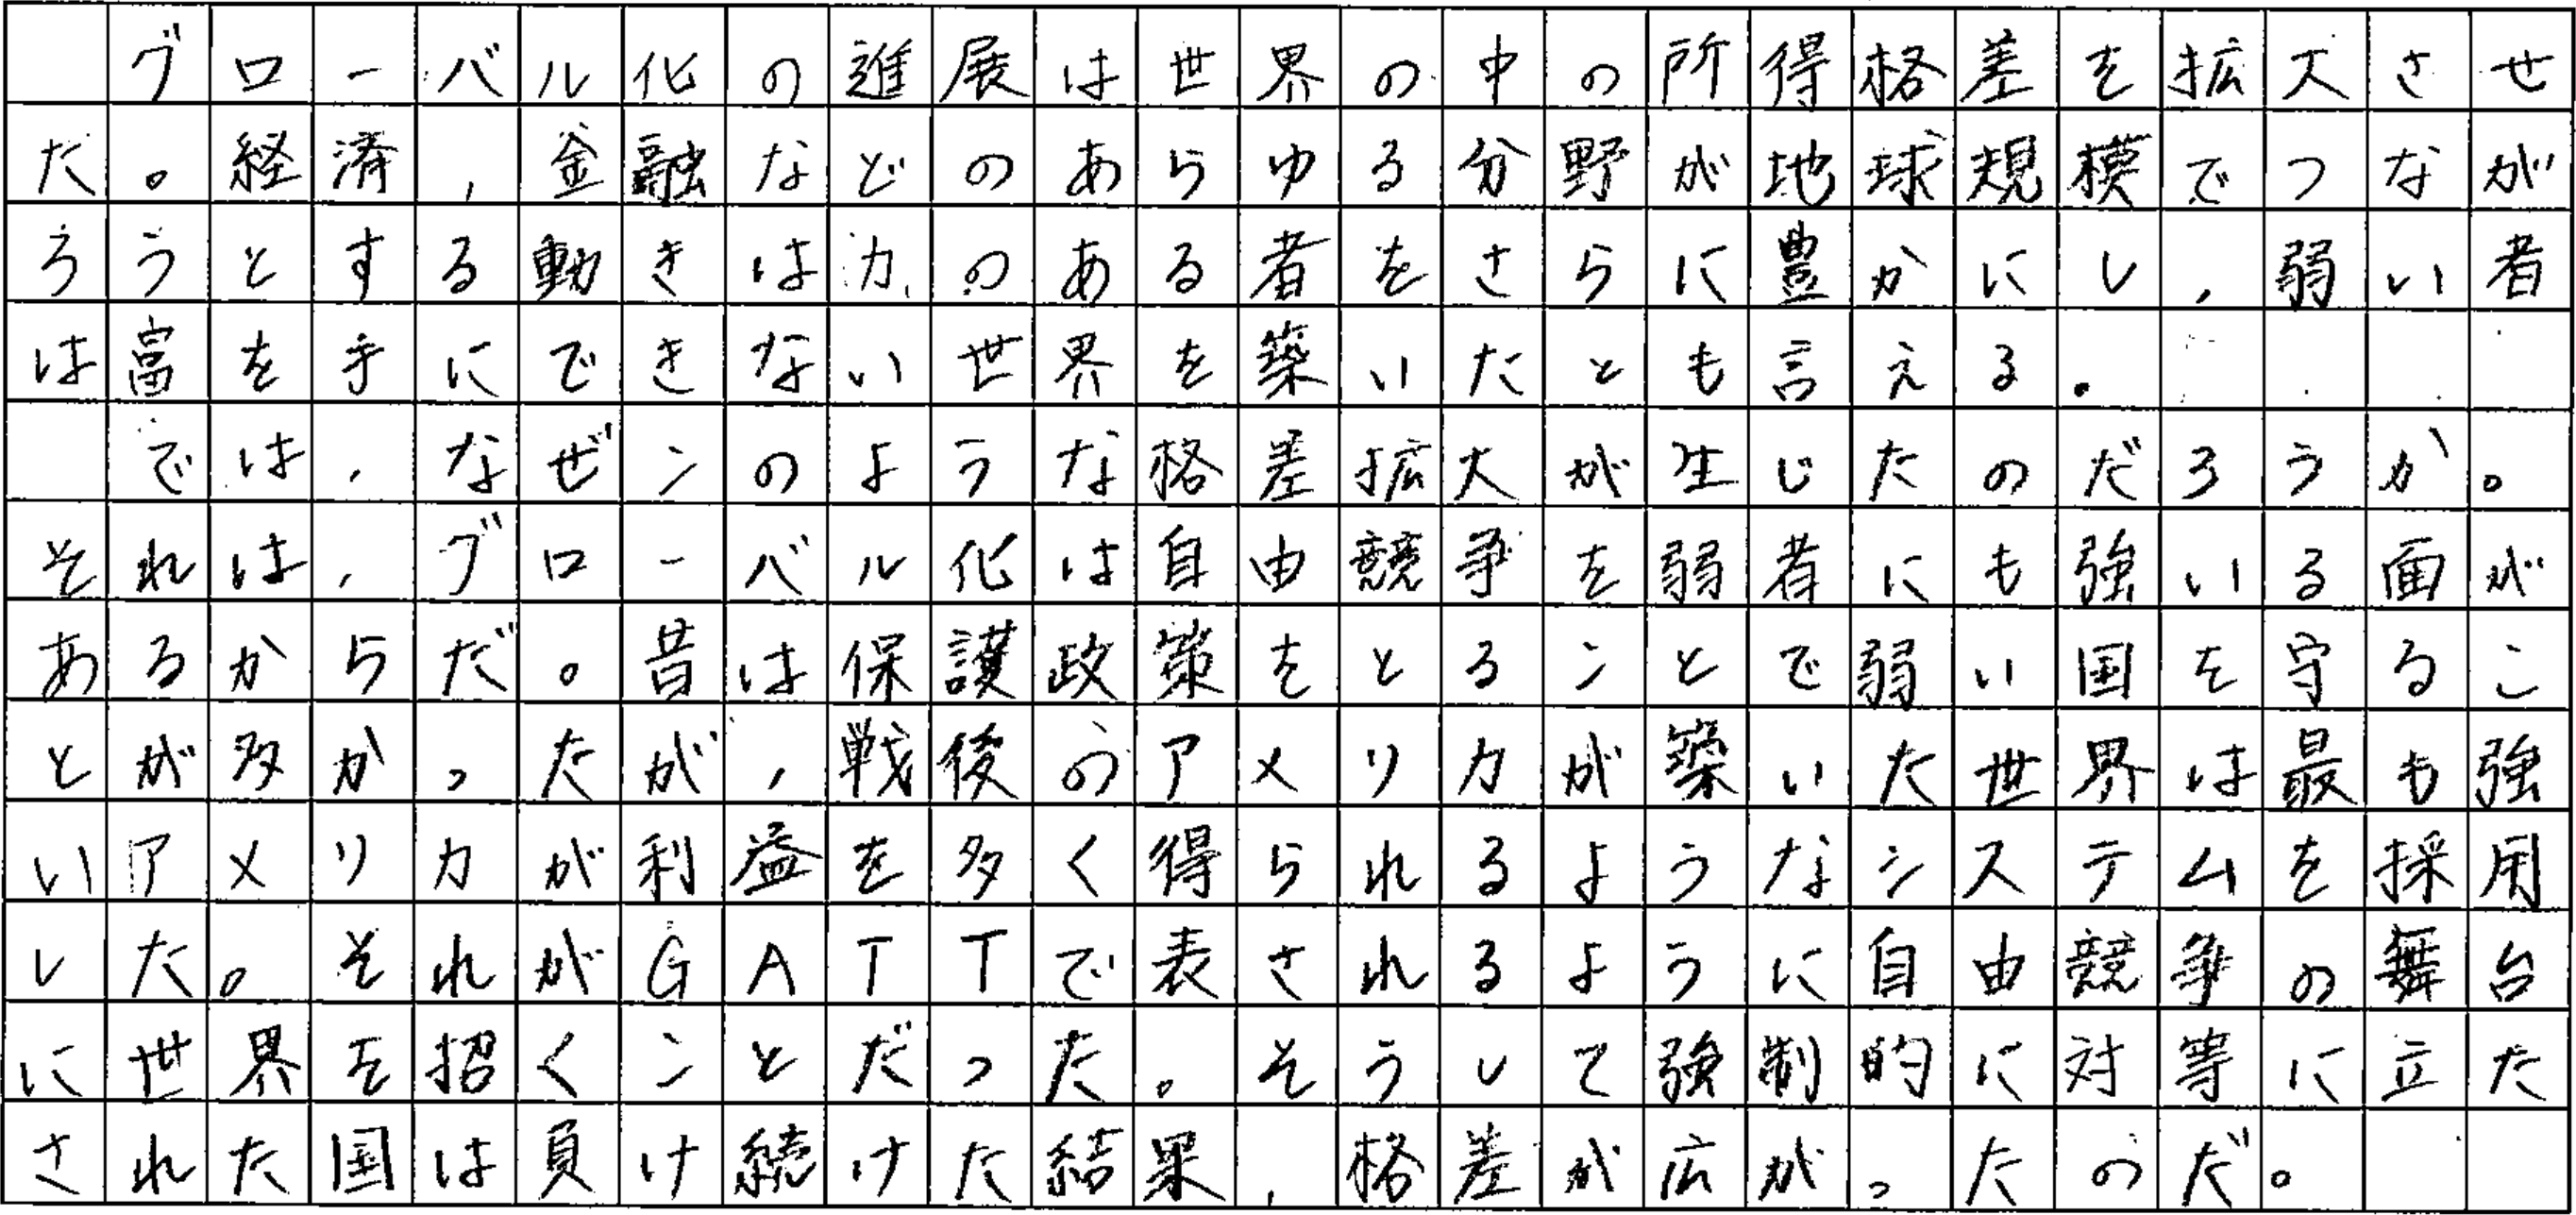　グローバル化の進展は世界の中の所得格差を拡大させた。経済、金融などのあらゆる分野が地球規模でつながろうとする動きは力のある者をさらに豊かにし、弱い者は富を手にできない世界を築いたとも言える。
　では、なぜこのような格差拡大が生じたのだろうか。それは、グローバル化は自由競争を弱者にも強いる面があるからだ。昔は保護政策をとることで弱い国を守ることが多かったが、戦後のアメリカが築いた世界は最も強いアメリカが利益を多く得られるようなシステムを採用した。それがＧＡＴＴで表されるように自由競争の舞台に世界を招くことだった。そうして強制的に対等に立たされた国は負け続けた結果、格差が広がったのだ。
